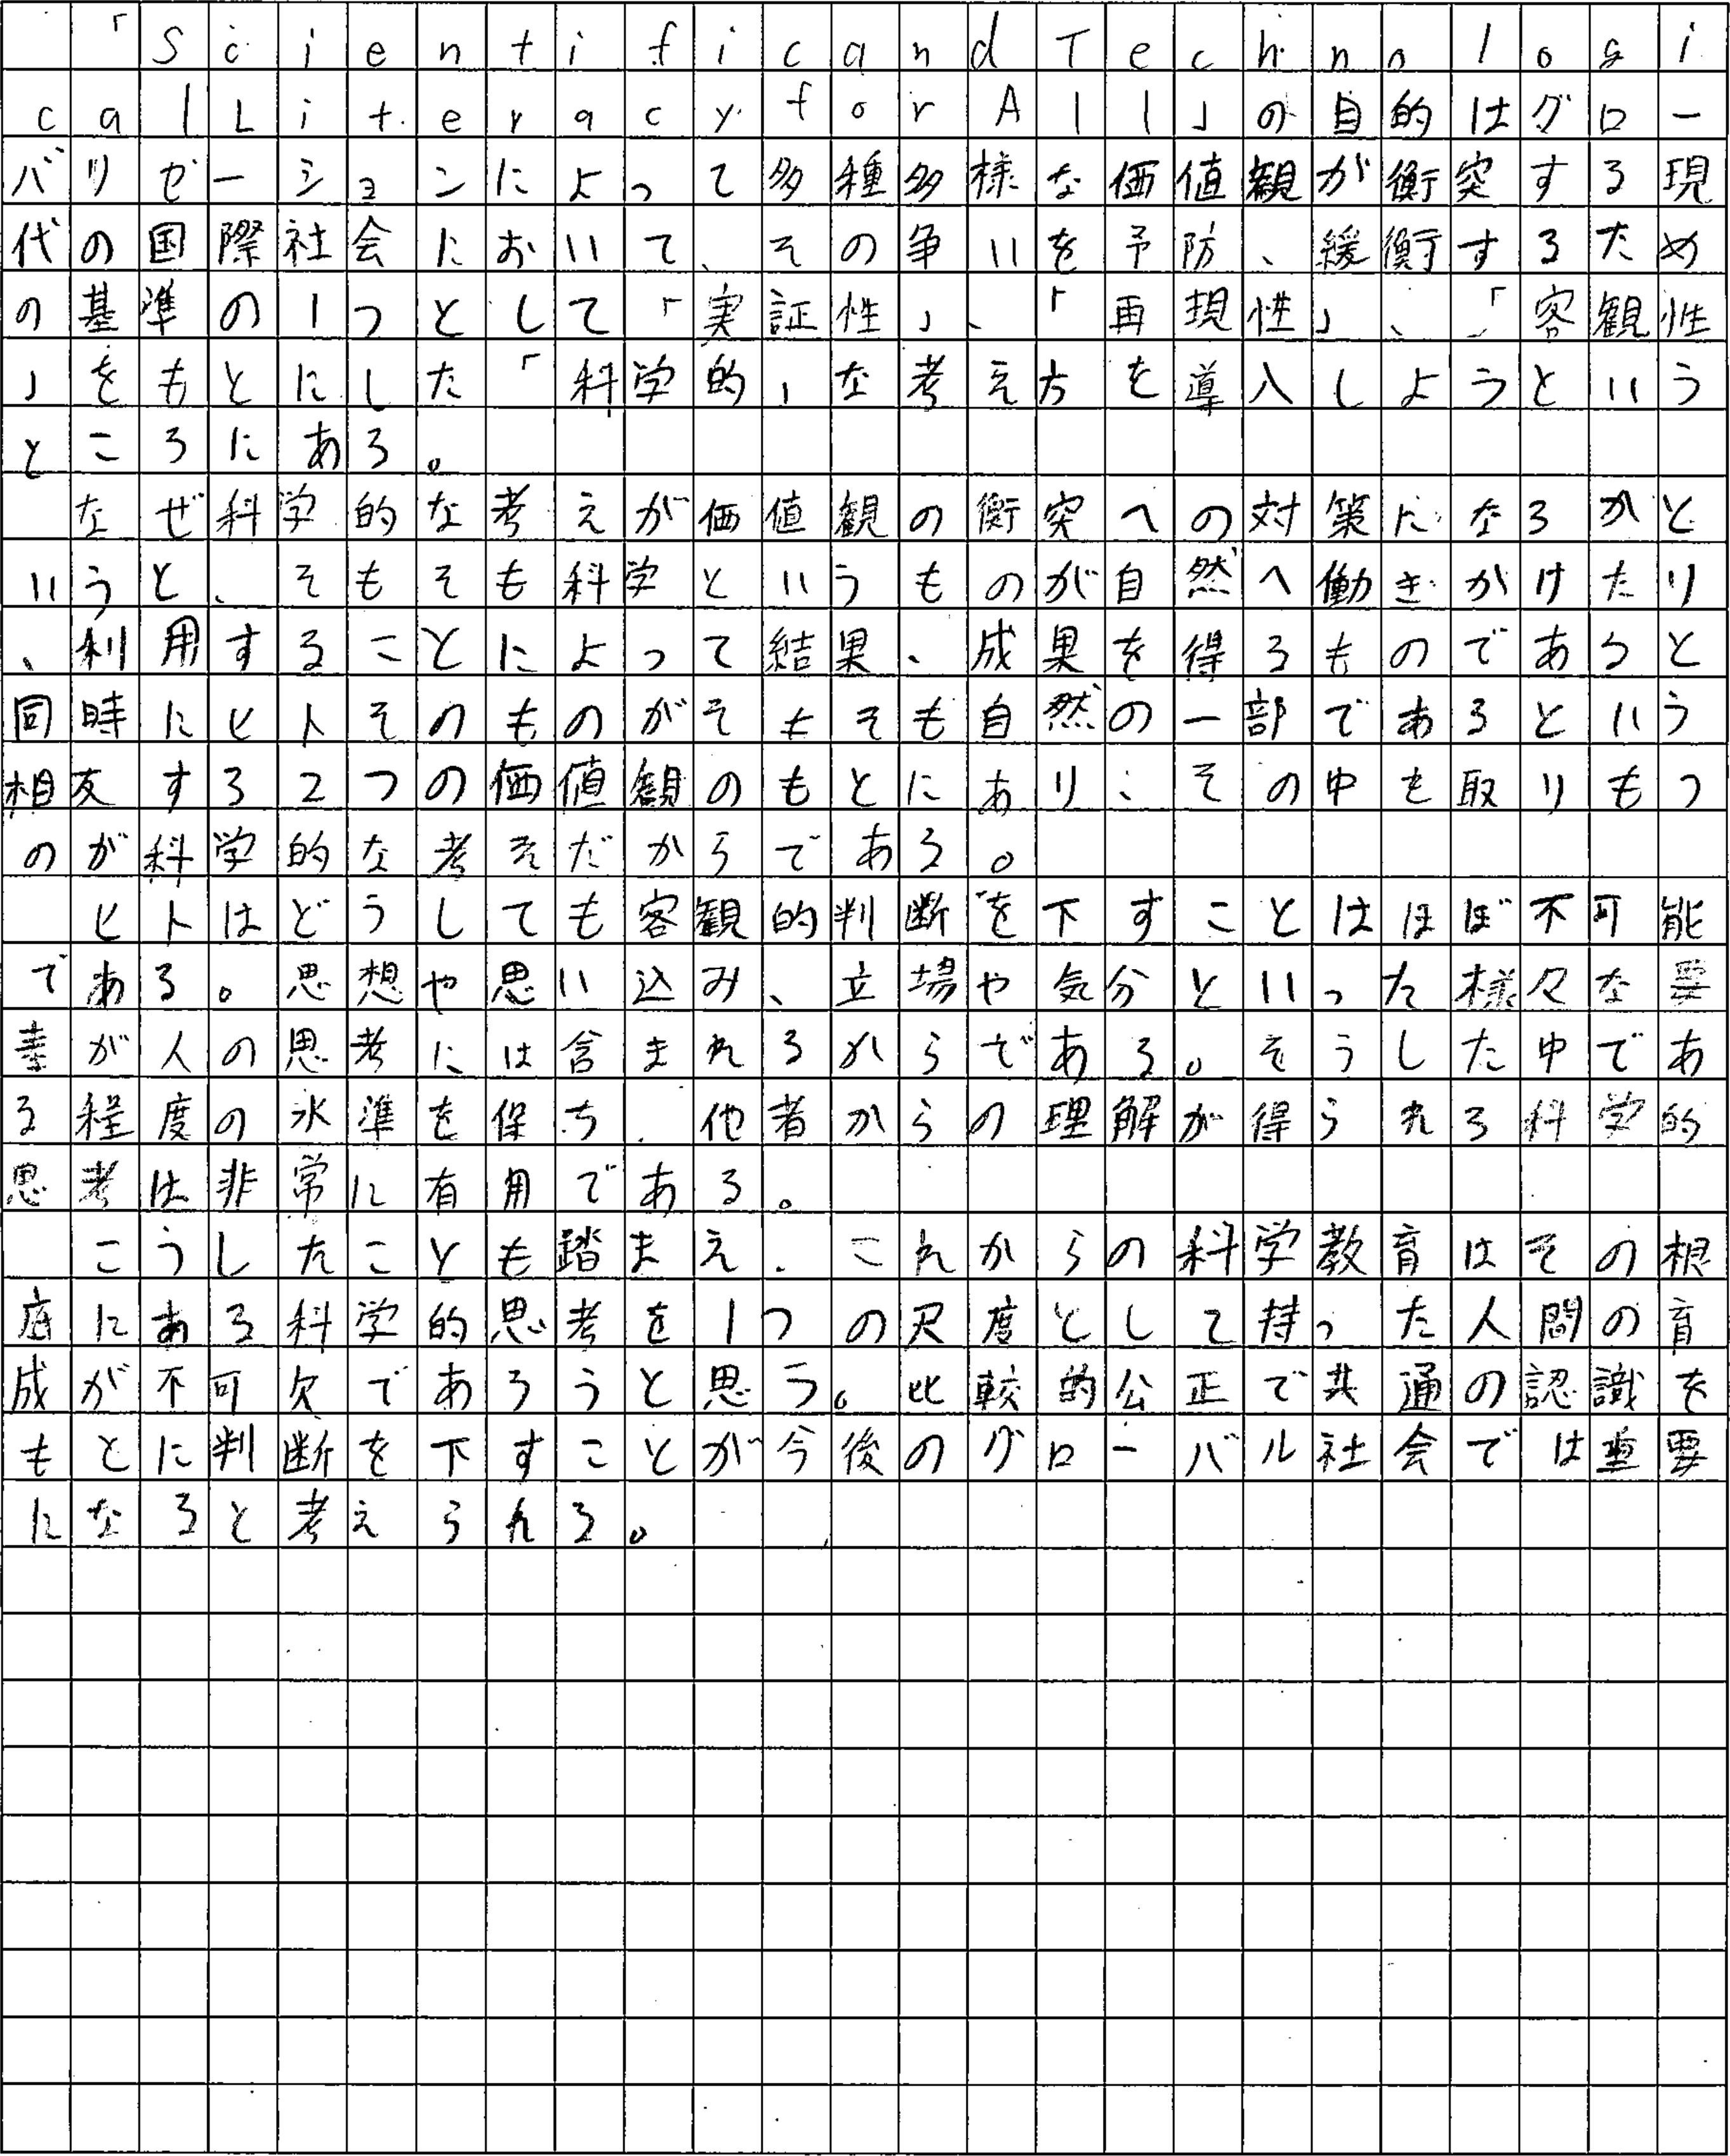　「ＳｃｉｅｎｔｉｆｉｃａｎｄＴｅｃｈｎｏｌｏｇｉｃａｌＬｉｔｅｒａｃｙｆｏｒＡｌｌ」の目的はグローバリゼーションによって多種多様な価値観が衡突する現代の国際社会において、その争いを予防、緩衡するための基準の１つとして「実証性」、「再現性」、「客観性」をもとにした「科学的」な考え方を導入しようというところにある。
　なぜ科学的な考えが価値観の衡突への対策になるかというと、そもそも科学というものが自然へ働きかけたり、利用することによって結果、成果を得るものであると同時にヒトそのものがそもそも自然の一部であるという相反する２つの価値観のもとにあり、その中を取りもつのが科学的な考えだからである。
　ヒトはどうしても客観的判断を下すことはほぼ不可能である。思想や思い込み、立場や気分といった様々な要素が人の思考には含まれるからである。そうした中である程度の水準を保ち、他者からの理解が得られる科学的思考は非常に有用である。
　こうしたことも踏まえ、これからの科学教育はその根底にある科学的思考を１つの尺度として持った人間の育成が不可欠であろうと思う。比較的公正で共通の認識をもとに判断を下すことが今後のグローバル社会では重要になると考えられる。
